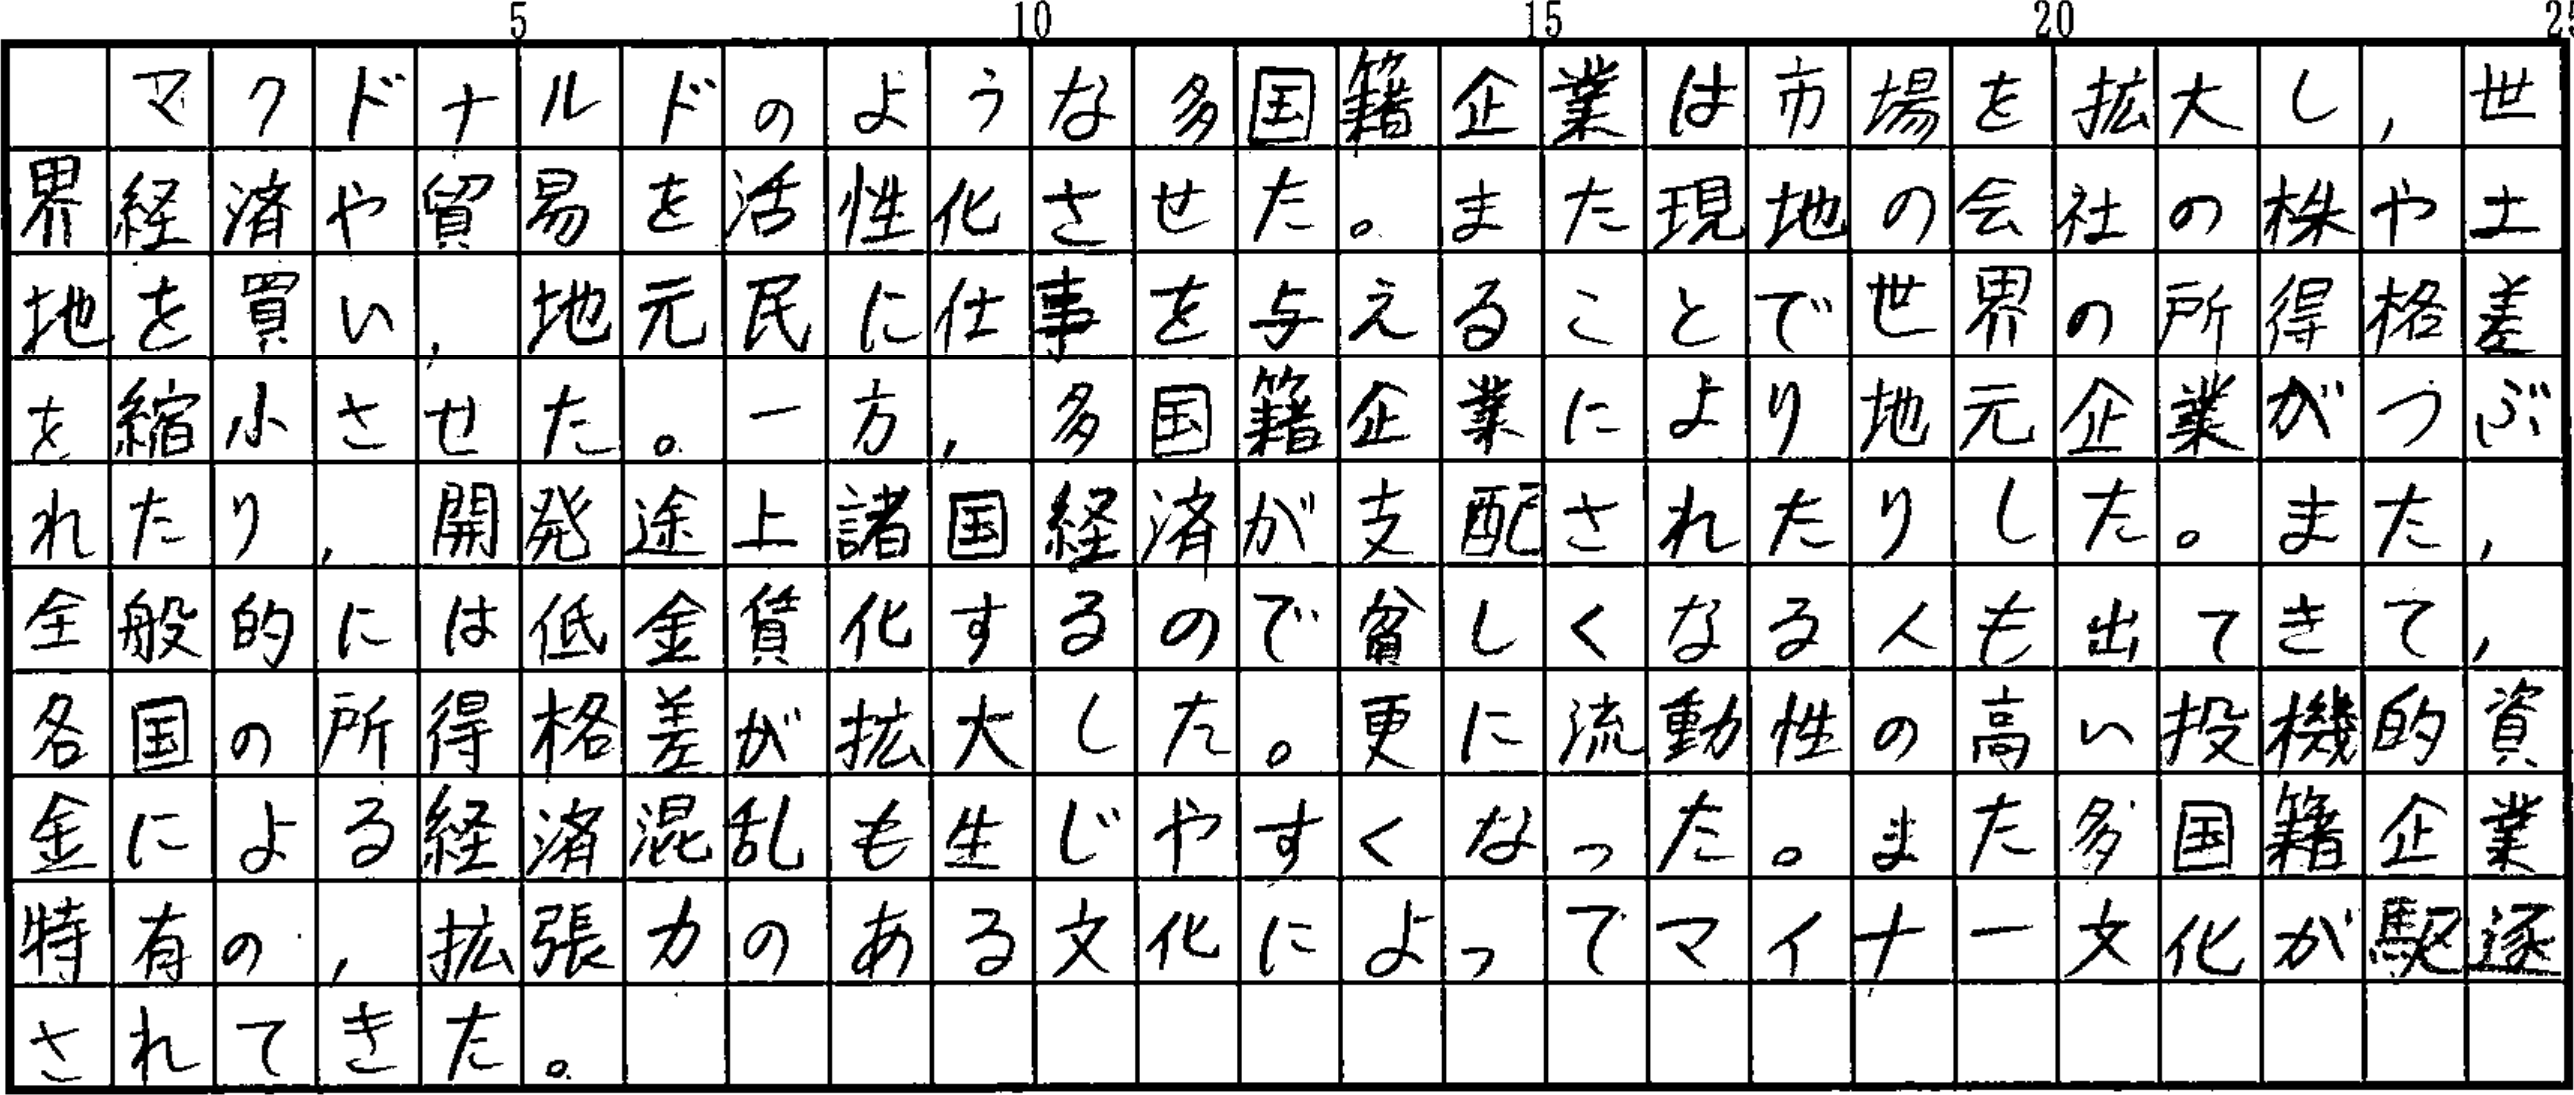　マクドナルドのような多国籍企業は市場を拡大し、世界経済や貿易を活性化させた。また現地の会社の株や土地を買い、地元民に仕事を与えることで世界の所得格差を縮小させた。一方、多国籍企業により地元企業がつぶれたり、開発途上諸国経済が支配されたりした。また、全般的には低金賃化するので貧しくなる人も出てきて、各国の所得格差が拡大した。更に流動性の高い投機的資金による経済混乱も生じやすくなった。また多国籍企業特有の、拡張力のある文化によってマイナー文化が駆逐されてきた。
